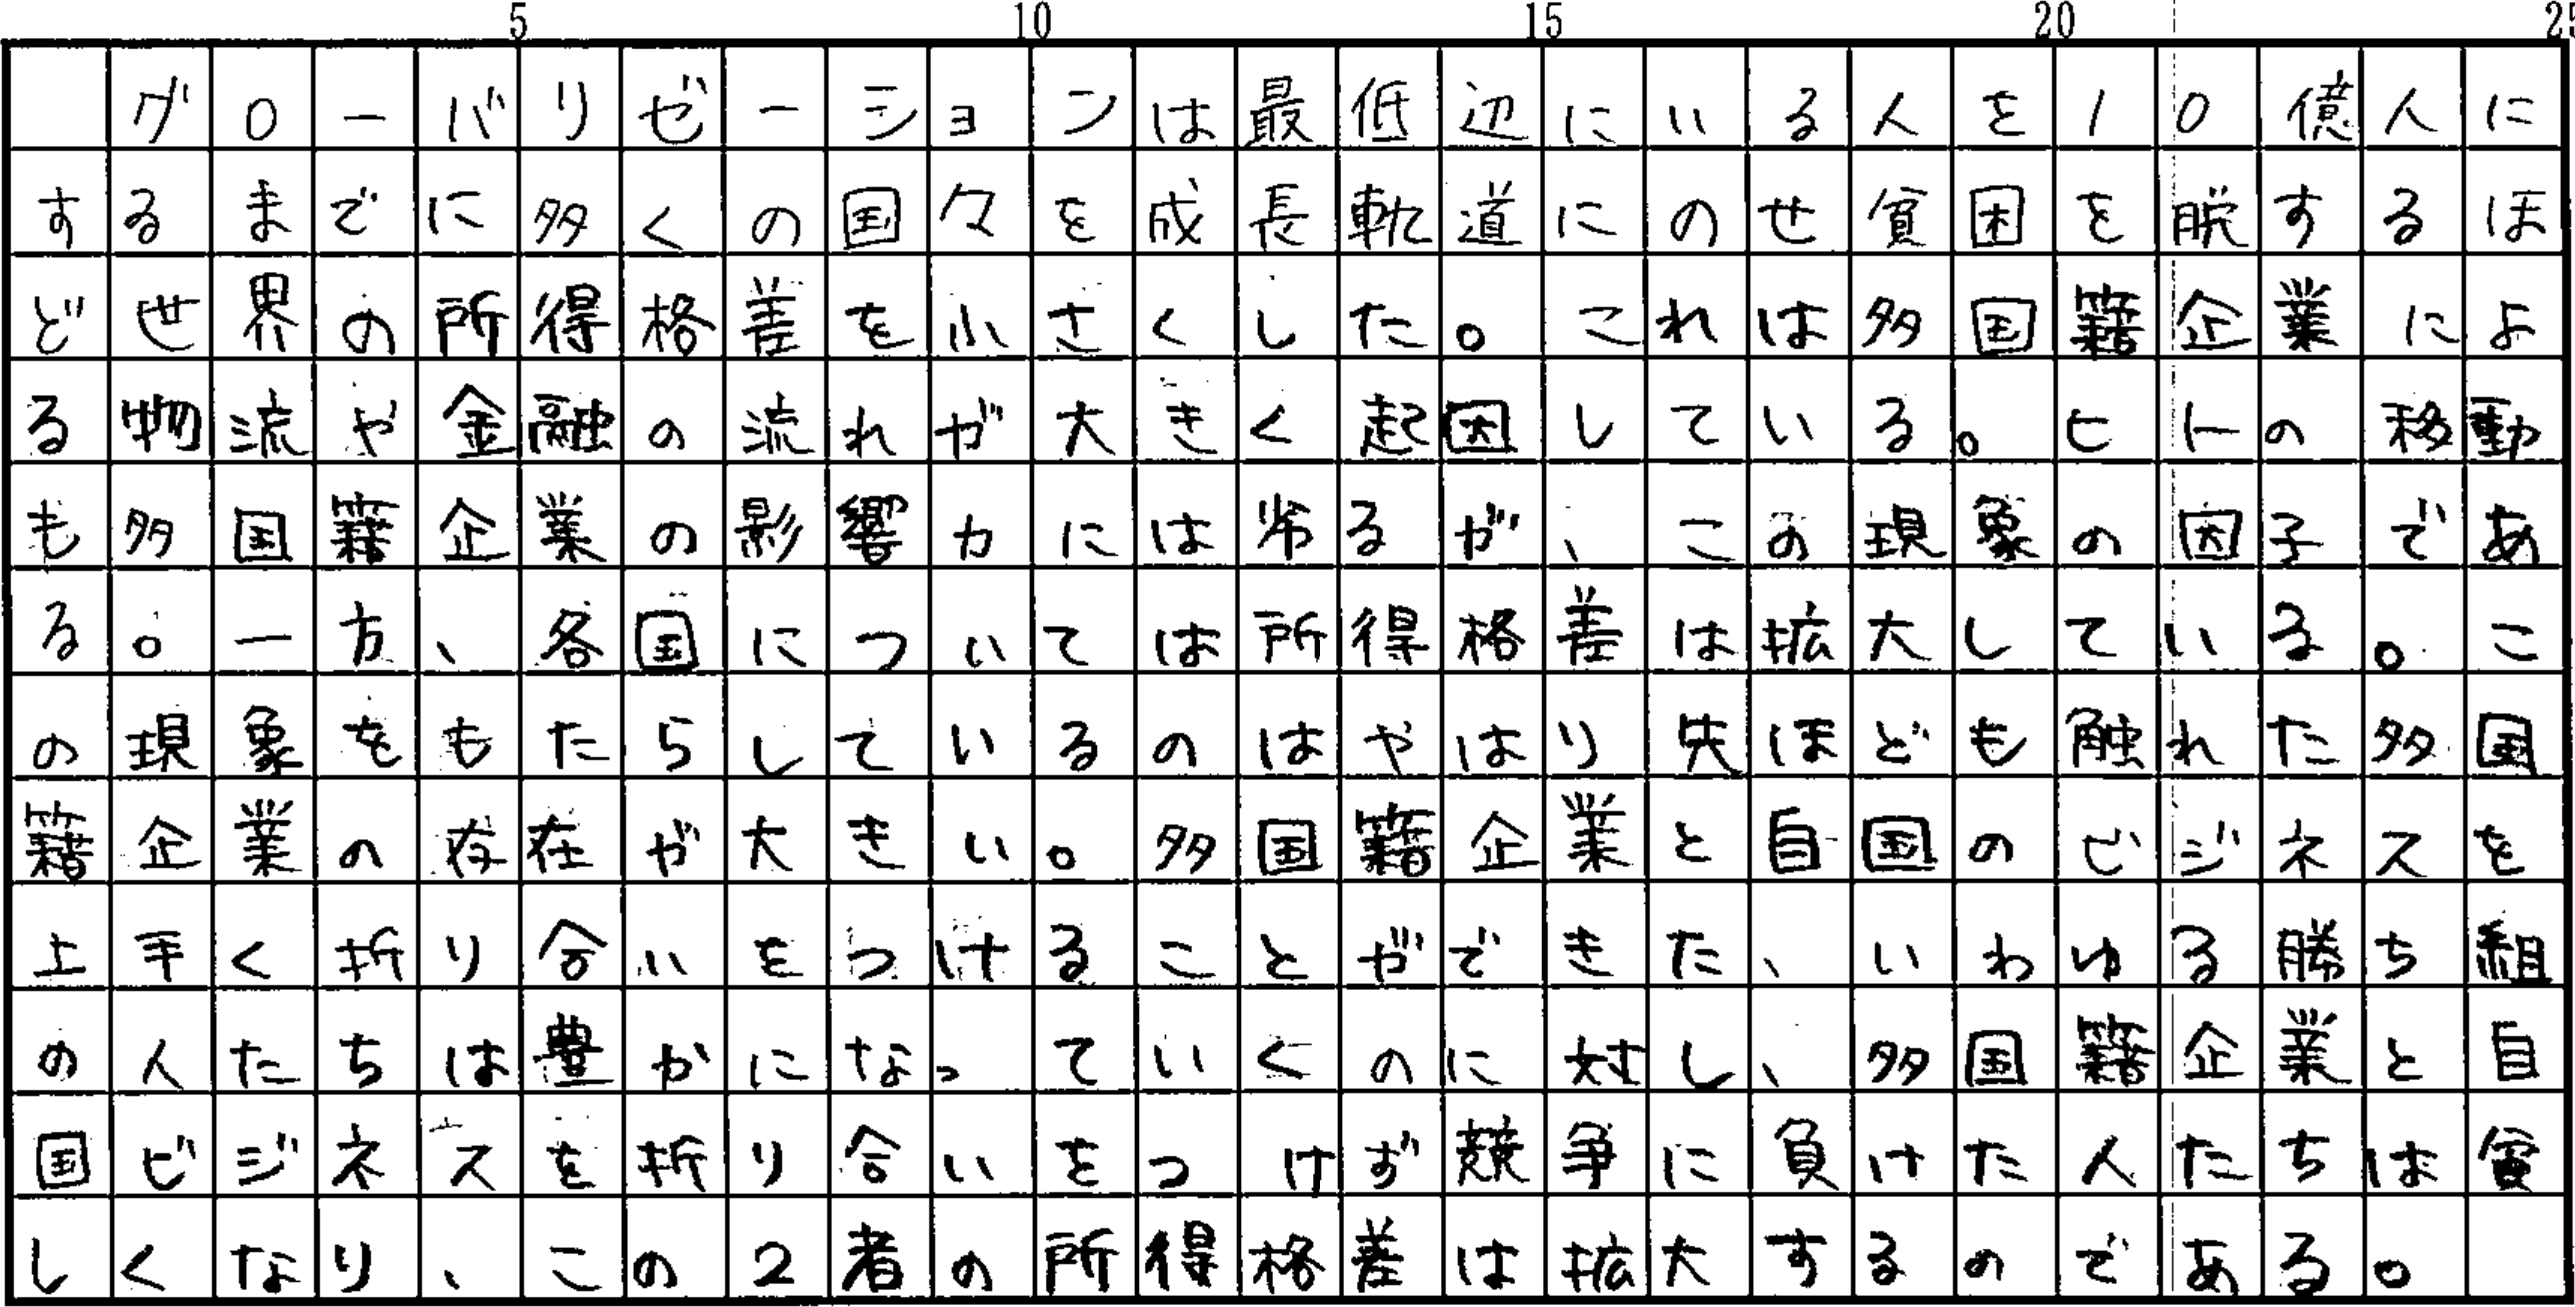　グローバリゼーションは最低辺にいる人を１０億人にするまでに多くの国々を成長軌道にのせ貧困を脱するほど世界の所得格差を小さくした。これは多国籍企業による物流や金融の流れが大きく起因している。ヒトの移動も多国籍企業の影響力には劣るが、この現象の因子である。一方、各国については所得格差は拡大している。この現象をもたらしているのはやはり先ほども触れた多国籍企業の存在が大きい。多国籍企業と自国のビジネスを上手く折り合いをつけることができた、いわゆる勝ち組の人たちは豊かになっていくのに対し、多国籍企業と自国ビジネスを折り合いをつけず競争に負けた人たちは貧しくなり、この２者の所得格差は拡大するのである。
